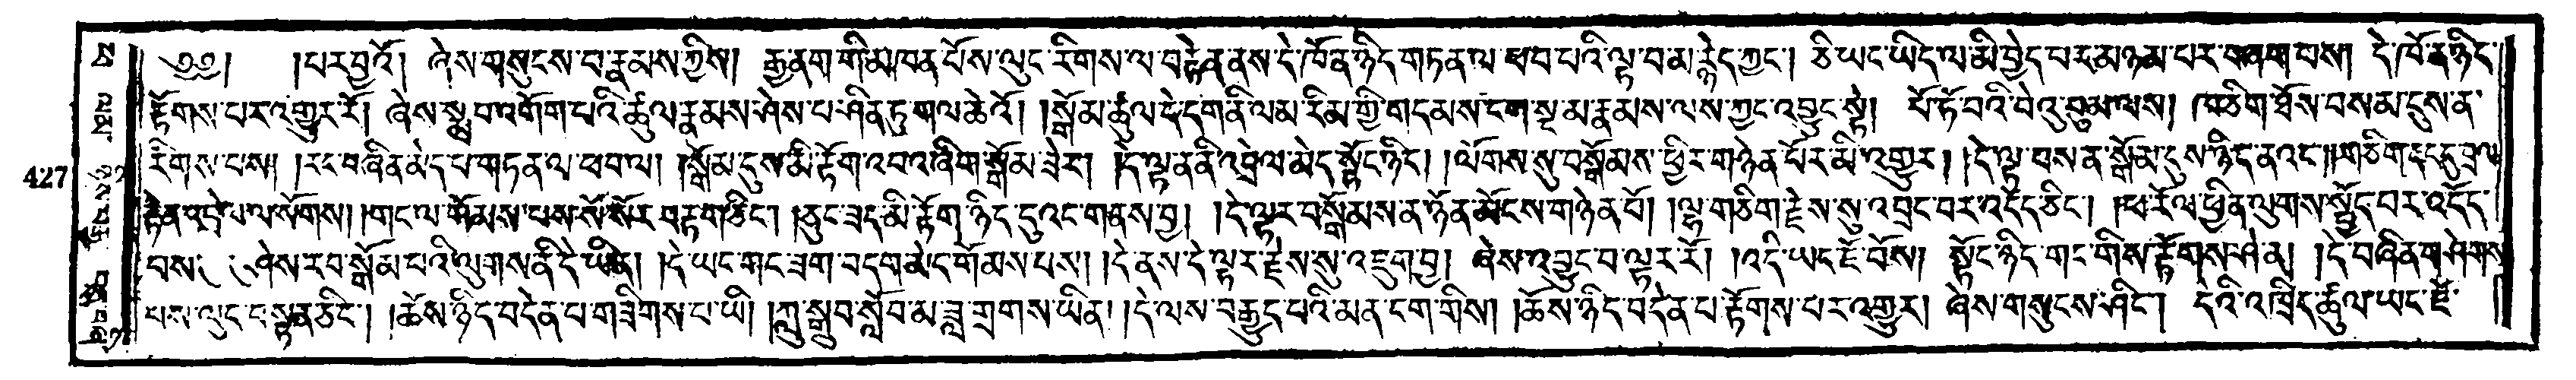༄༅། །པར་བྱའོ། ཞེས་གསུངས་པ་རྣམས་ཀྱིས། རྒྱ་ནག་གི་མཁན་པོས་ལུང་རིགས་ལ་བརྟེན་ནས་དེ་ཁོ་ན་ཉིད་གཏན་ལ་ཕབ་པའི་ལྟ་བ་མ་རྙེད་ཀྱང་། ཅི་ཡང་ཡིད་ལ་མི་བྱེད་པར་མཉམ་པར་བཞག་པས། དེ་ཁོ་ན་ཉིད་
རྟོགས་པར་འགྱུར་རོ། ཞེས་སྨྲ་བ་འགོག་པའི་ཚུལ་རྣམས་ཤེས་པ་ཤིན་ཏུ་གལ་ཆེའོ། །སྒོམ་ཚུལ་དེ་དག་ནི་ལམ་རིམ་གྱི་གདམས་ངག་སྔ་མ་རྣམས་ལས་ཀྱང་འབྱུང་སྟེ། པོ་ཏོ་བའི་བེའུ་བུམ་ལས། ཁ་ཅིག་ཐོས་བསམ་དུས་ན་
རིགས་པས། །རང་བཞིན་མེད་པ་གཏན་ལ་ཕབ་ལ། །སྒོམ་དུས་མི་རྟོག་འབའ་ཞིག་སྒོམ་ཟེར། །དེ་ལྟ་ན་ནི་འབྲེལ་མེད་སྟོང་ཉིད། །ལོགས་སུ་བསྒོམས་ཕྱིར་གཉེན་པོར་མི་འགྱུར། །དེ་ལྟ་བས་ན་སྒོམ་དུས་ཉིད་ནའང་། །གཅིག་དང་དུ་བྲལ་
རྟེན་འབྲེལ་ལ་སོགས། །གང་ལ་གོམས་པས་སོ་སོར་བརྟག་ཅིང་། །ཅུང་ཟད་མི་རྟོག་ཉིད་དུའང་གནས་བྱ། །དེ་ལྟར་བསྒོམས་ན་ཉོན་མོངས་གཉེན་བོ། །ལྷ་གཅིག་རྗེས་སུ་འབྲང་བར་འདོད་ཅིང་། །ཕ་རོལ་ཕྱིན་ལུགས་སྤྱོད་པར་འདོད་
བས༑ ༑ཤེས་རབ་སྒོམ་པའི་ལུགས་ནི་དེ་ཡིན། །དེ་ཡང་གང་ཟག་བདག་མེད་གོམས་པས། །དེ་ནས་དེ་ལྟར་རྗེས་སུ་འཇུག་བྱ། ཞེས་འབྱུང་བ་ལྟར་རོ། །འདི་ཡང་ཇོ་བོས། སྟོང་ཉིད་གང་གིས་རྟོགས་ཤེ་ན། །དེ་བཞིན་གཤེགས་
པས་ལུང་བསྟན་ཅིང་། །ཆོས་ཉིད་བདེན་པ་གཟིགས་པ་ཡི། །ཀླུ་སྒྲུབ་སློབ་མ་ཟླ་གྲགས་ཡིན། །དེ་ལས་བརྒྱུད་པའི་མན་ངག་གིས། །ཆོས་ཉིད་བདེན་པ་རྟོགས་པར་འགྱུར། ཞེས་གསུངས་ཤིང་། དེའི་འཁྲིད་ཚུལ་ཡང་ཇོ་